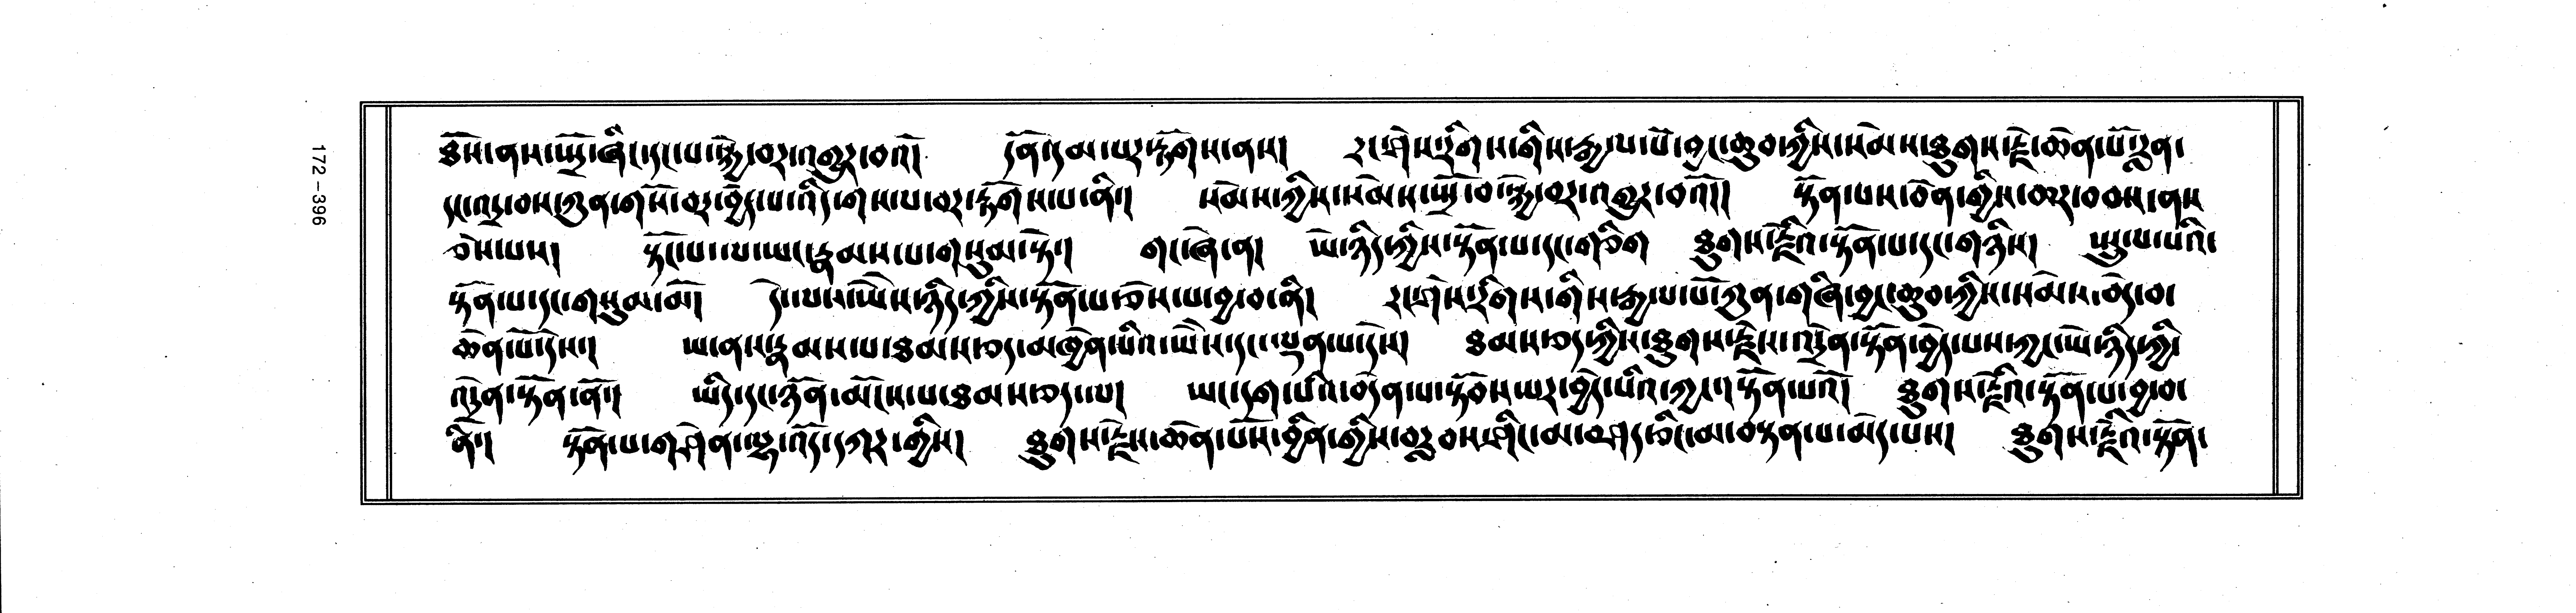ཐོས་ནས་སྤྲོ་ཞིང་དྭངས་པ་སྐྱེ་བར་འགྱུར་བའོ། དོན་དམ་པར་རྟོགས་ནས། རང་ཤེས་རིགས་གིས་རྒྱལ་པོ་བྱང་ཆུབ་ཀྱིས་སེམས་ཐུགས་རྗེ་ཆེན་པོ་རླན་
དང་འདྲ་བས་ཀུན་གསོ་བར་བྱེད་པའི་འདི་གསལ་བར་རྟོགས་པ་ནི། སེམས་ཀྱིས་སེམས་སྤྲོ་བ་སྐྱེ་བར་འགྱུར་བའོ། སྟོན་པས་བོན་གྱིས་ཆར་བབས་ནས། 
ཅེས་པས། སྟོང་པ་ལ་ཡང་རྣམ་པ་གསུམ་སྟེ། གང་ཞེ་ན། ཡེ་ཉིད་ཀྱིས་སྟོན་པ་དང་གཅིག ཐུགས་རྗེའི་སྟོན་པ་དང་གཉིས། སྤྲུལ་པའི་
སྟོན་པ་དང་གསུམ་མོ། དེ་ལས་ཡེ་ཤེས་ཉིད་ཀྱིས་སྟོན་པ་ཅེས་པ་བྱ་བ་ནི། རང་ཤེས་རིགས་གིས་རྒྱལ་པོ་ཀུན་གཞི་བྱང་ཆུབ་ཀྱིས་སེམས་བདེ་བ་
ཆེན་པོ་དེས། ཡེ་ནས་རྣམ་པ་ཐམས་ཅད་མཁྱེན་པའི་ཡེ་ཤེས་དང་ལྡན་པ་དེས། ཐམས་ཅད་ཀྱིས་ཐུགས་རྗེས་འདྲེན་སྟོན་བྱེད་པས་ཀྱང་ཡེ་ཉིད་ཀྱི་
འདྲེན་སྟོན་ནོ། ཡིད་དང་ཉོན་མོངས་པ་ཐམས་ཅད་ལ། ཡང་དག་པའི་བདེན་པ་སྟོབས་པར་བྱེད་པའི་ཀྱང་སྟོན་པའོ། ཐུགས་རྗེའི་སྟོན་པ་བྱ་བ་
ནི། སྟོན་པ་གཤེན་ལྷ་འོད་དཀར་གྱིས། ཐུགས་རྗེས་ཆེན་པོས་བྱིན་གྱིས་བརླབས་ཤིང་མ་བཤད་ཅིང་མ་བསྟན་པ་མེད་པའི། ཐུགས་རྗེའི་